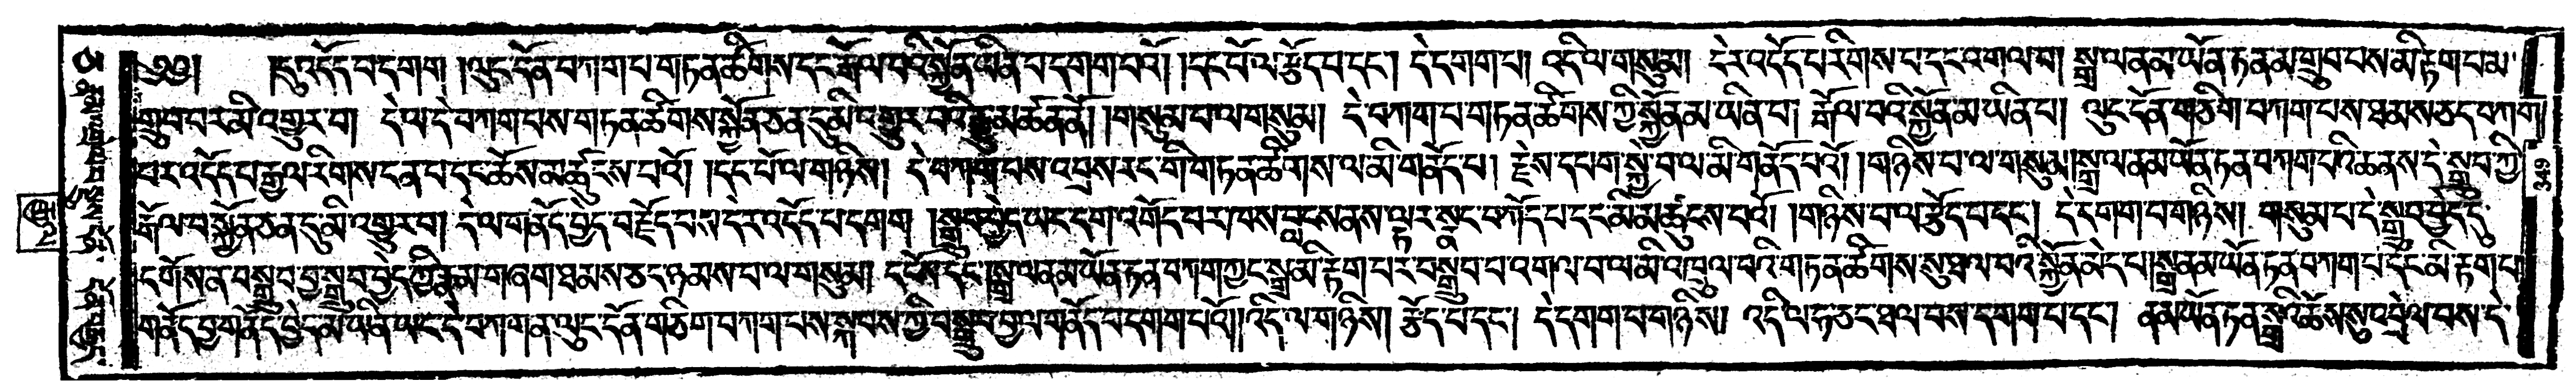༄༅། །དུ་འདོད་པ་དགག །ལུང་དོན་བཀག་པ་གཏན་ཚིགས་དང་རྒོལ་བའི་སྐྱོན་ཡིན་པ་དགག་པའོ། །དང་པོ་ལ་རྩོད་པ་དང་། དེ་དགག་པ། འདི་ལ་གསུམ། དེར་འདོད་པ་རིགས་པ་དང་འགལ་བ། སྒྲ་ལ་ནམ་ཡོན་ཏན་མ་གྲུབ་པས་མི་རྟག་པ་མ་
གྲུབ་པར་མི་འགྱུར་བ། དེ་ལ་དེ་བཀག་པས་གཏན་ཚིགས་སྐྱོན་ཅན་དུ་མི་འགྱུར་བའི་རྒྱུ་མཚན་ནོ། །གསུམ་པ་ལ་གསུམ། དེ་བཀག་པ་གཏན་ཚིགས་ཀྱི་སྐྱོན་མ་ཡིན་པ། རྒོལ་བའི་སྐྱོན་མ་ཡིན་པ། ལུང་དོན་གཅིག་བཀག་པས་ཐམས་ཅད་བཀག་
པར་འདོད་པ་རྒྱལ་རིགས་ངན་པ་དང་ཆོས་མཚུངས་པའོ། །དང་པོ་ལ་གཉིས། དེ་བཀག་པས་འབྲས་རང་གི་གཏན་ཚིགས་ལ་མི་གནོད་པ། རྗེས་དཔག་སྐྱེ་བ་ལ་མི་གནོད་པའོ། །གཉིས་པ་ལ་གསུམ། སྒྲ་ལ་ནམ་ཡོན་ཏན་བཀག་པའི་ཆ་ནས་དེ་སྒྲུབ་ཀྱི་
རྒོལ་བ་སྐྱོན་ཅན་དུ་མི་འགྱུར་བ། དེ་ལ་གནོད་བྱེད་བརྗོད་པས་དེར་འདོད་པ་དགག །སྒྲུབ་བྱེད་ཡང་དག་འགོད་པར་ཁས་བླངས་ནས་ལྟར་སྣང་བཀོད་པ་དང་མི་མཚུངས་པའོ། །གཉིས་པ་ལ་རྩོད་པ་དང་། དེ་དགག་པ་གཉིས། གསུམ་པ་དེ་སྒྲུབ་བྱེད་དུ་
དགོས་ན་བསྒྲུབ་བྱ་སྒྲུབ་བྱེད་ཀྱི་རྣམ་གཞག་ཐམས་ཅད་ཉམས་པ་ལ་གསུམ། དངོས་དང་། སྒྲ་ལ་ནམ་ཡོན་ཏན་བཀག་ཀྱང་སྒྲ་མི་རྟག་པར་བསྒྲུབ་པ་འགལ་བ་ལ་མི་འཁྲུལ་བའི་གཏན་ཚིགས་སུ་ཐལ་བའི་སྐྱོན་མེད་པ། སྒྲ་ནམ་ཡོན་ཏན་བཀག་པ་དང་མི་རྟག་པ་
གནོད་བྱ་གནོད་བྱེད་མ་ཡིན་ཡང་དེ་བཀག་ན་ལུང་དོན་གཅིག་བཀག་པས་སྐབས་ཀྱི་བསྒྲུབ་བྱ་ལ་གནོད་པ་དགག་པའོ། །འདི་ལ་གཉིས། རྩོད་པ་དང་། དེ་དགག་པ་གཉིས། འདི་ལ་ཧ་ཅང་ཐལ་བས་དགག་པ་དང་། ནམ་ཡོན་ཏན་སྒྲའི་ཆོས་སུ་འབྲེལ་བས་དེ་